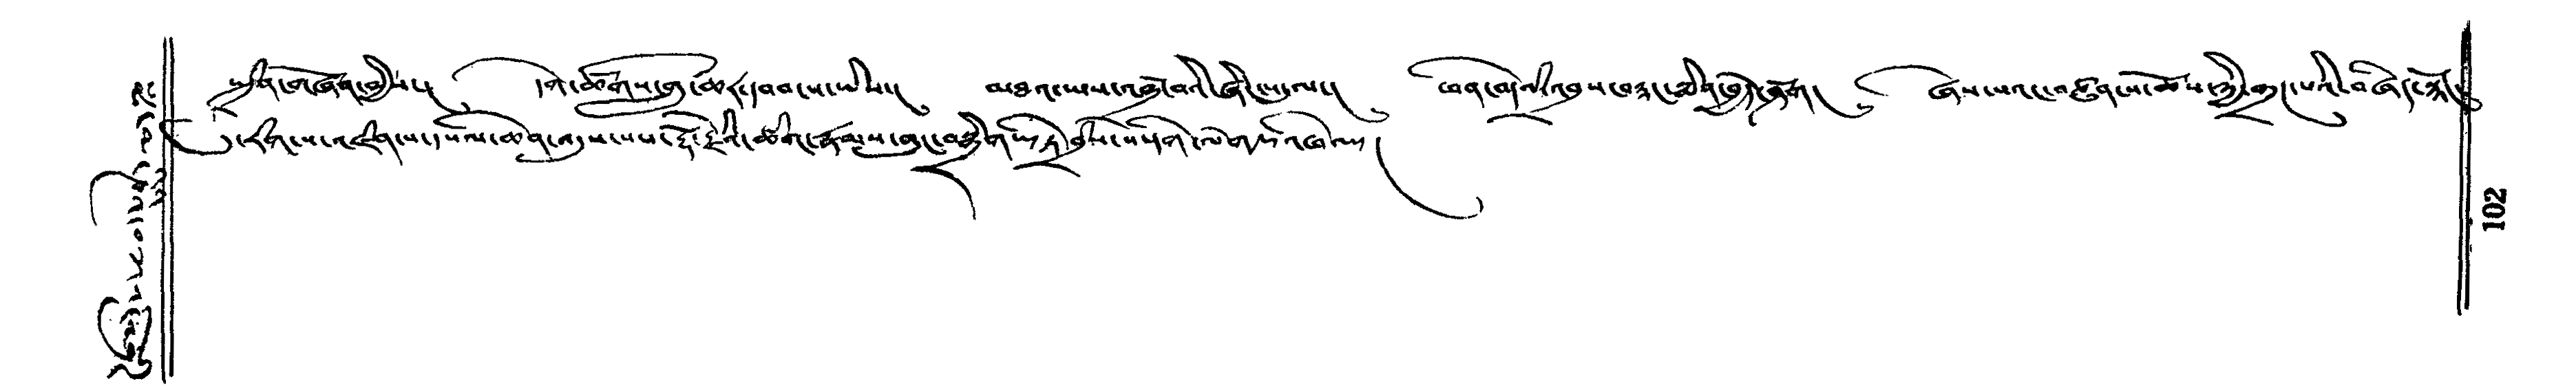སྤྲིན་གཞོན་གྱིས། དགེ་ཚོགས་གྲུ་ཆར་དབབ་པ་ཡིས། །མཐའ་ཡས་འགྲོ་བའི་ཞིངས་འདུལ། །ཕན་བདེའི་འབྲས་བཟང་སྨིན་བྱེད་ཤོག ཞེས་པའང་བཙུན་པ་ཆོས་ཀྱི་གྲགས་པའི་བཞེད་སྐོང་
དུ་རིག་པ་འཛིན་པ་དཔལ་ཆེན་འདུས་པས་རྡོ་རྗེའི་ཚིག་རྣམས་གུང་བསྒྲིགས་ཏེ་བྲིས་པ་དགེ་ལེགས་འཕེལ།། མངྒ་ལཾ།།